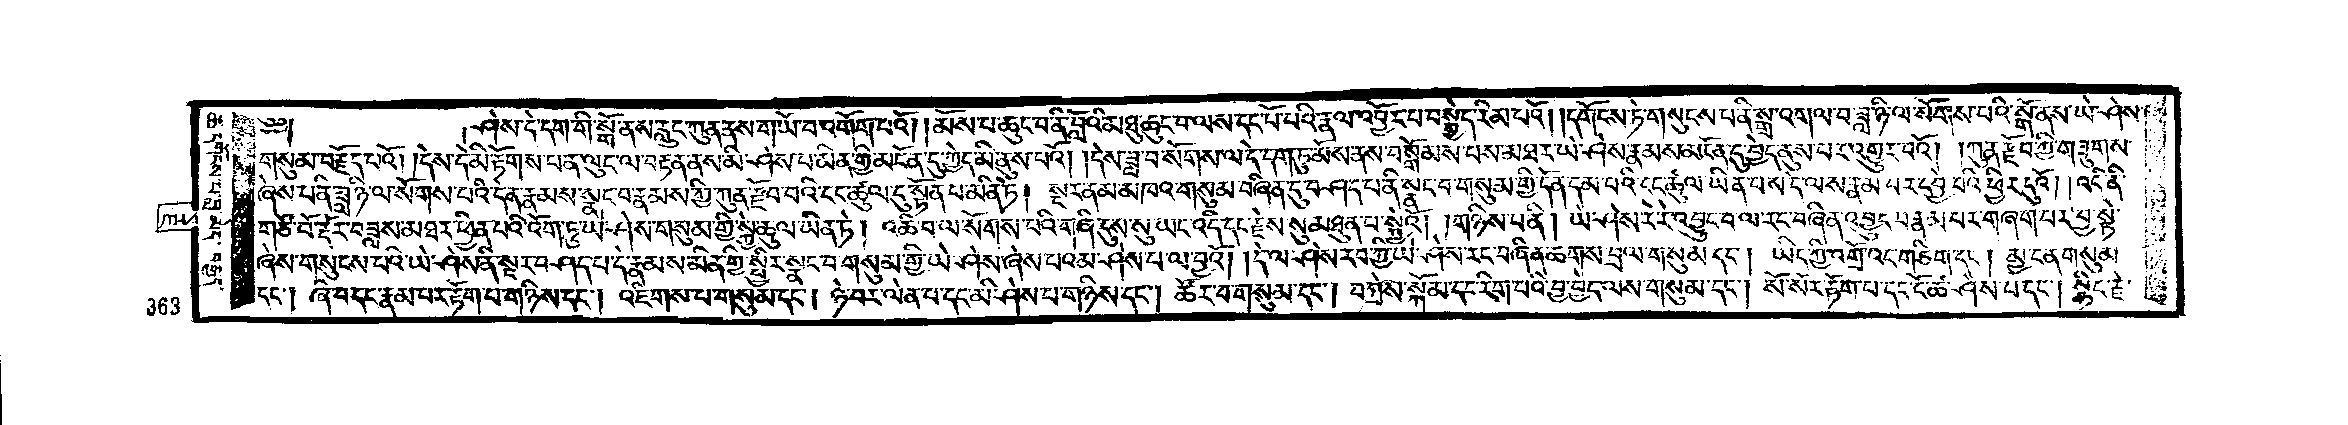༄༅། །ཤེས་དེ་དག་གི་སྒོ་ནས་རླུང་ཀུན་ནས་གཡོ་བ་འགོག་པའོ། །མོས་པ་ཆུང་བ་ནི་བློའི་མཐུ་ཆུང་བ་ལས་དང་པོ་པའི་རྣལ་འབྱོར་པ་བསྐྱེད་རིམ་པའོ། །དགོངས་ཏེ་གསུངས་པ་ནི་སྒྲ་འགལ་བ་ཟླ་ཉི་ལ་སོགས་པའི་སྒོ་ནས་ཡེ་ཤེས་
གསུམ་བརྗོད་པའོ། །དེས་དེ་མི་རྟོགས་པ་ན་ལུང་ལ་བརྟེན་ནས་མི་ཤེས་པ་མིན་གྱི་མངོན་དུ་བྱེད་མི་ནུས་པའོ། །དེས་ཟླ་བ་སོགས་ལ་དེ་དག་ཏུ་མོས་ནས་བསྒོམས་པས་མཐར་ཡེ་ཤེས་རྣམས་མངོན་དུ་བྱེད་ནུས་པར་འགྱུར་བའོ། །ཀུན་རྫོབ་ཀྱི་གཟུགས་
ཞེས་པ་ནི་ཟླ་ཉི་ལ་སོགས་པའི་དོན་རྣམས་སྣང་བ་རྣམས་ཀྱི་ཀུན་རྫོབ་པའི་ངང་ཚུལ་དུ་སྟོན་པ་མིན་ཏེ། སྔར་ནམ་མཁའ་གསུམ་བཞིན་དུ་བཤད་པ་ནི་སྣང་བ་གསུམ་གྱི་དོན་དམ་པའི་ངང་ཚུལ་ཡིན་པས་དེ་ལས་རྣམ་པར་དབྱེ་བའི་ཕྱིར་དུའོ། །འདི་ནི་
གཙོ་བོ་རྡོར་བཟླས་མཐར་ཕྱིན་པའི་འོག་ཏུ་ཡེ་ཤེས་གསུམ་གྱི་སྐྱེ་ཚུལ་ཡིན་ཏེ། འཆི་བ་ལ་སོགས་པའི་གཞི་དུས་སུ་ཡང་འདི་དང་རྗེས་སུ་མཐུན་པ་སྐྱེའོ། །གཉིས་པ་ནི། ཡེ་ཤེས་རེ་རེ་འབྱུང་བ་ལ་རང་བཞིན་འབྱུང་བ་རྣམ་པར་གཞག་པར་བྱ་སྟེ་
ཞེས་གསུངས་པའི་ཡེ་ཤེས་ནི་སྔར་བཤད་པ་དེ་རྣམས་མིན་གྱི་སྤྱིར་སྣང་བ་གསུམ་གྱི་ཡེ་ཤེས་ཞེས་པའམ་ཤེས་པ་ལ་བྱའོ། །དེ་ལ་ཤེས་རབ་ཀྱི་ཡེ་ཤེས་རང་བཞིན་ཆགས་བྲལ་གསུམ་དང་། ཡིད་ཀྱི་འགྲོ་འང་གཅིག་དང་། མྱ་ངན་གསུམ་
དང་། ཞི་བ་དང་རྣམ་པར་རྟོག་པ་གཉིས་དང་། འཇིགས་པ་གསུམ་དང་། ཉེ་བར་ལེན་པ་དང་མི་ཤེས་པ་གཉིས་དང་། ཚོར་བ་གསུམ་དང་། བཀྲེས་སྐོམ་དང་རིག་པའི་བྱ་བྱེད་ལས་གསུམ་དང་། སོ་སོར་རྟོག་པ་དང་ངོ་ཚ་ཤེས་པ་དང་། སྙིང་རྗེ་